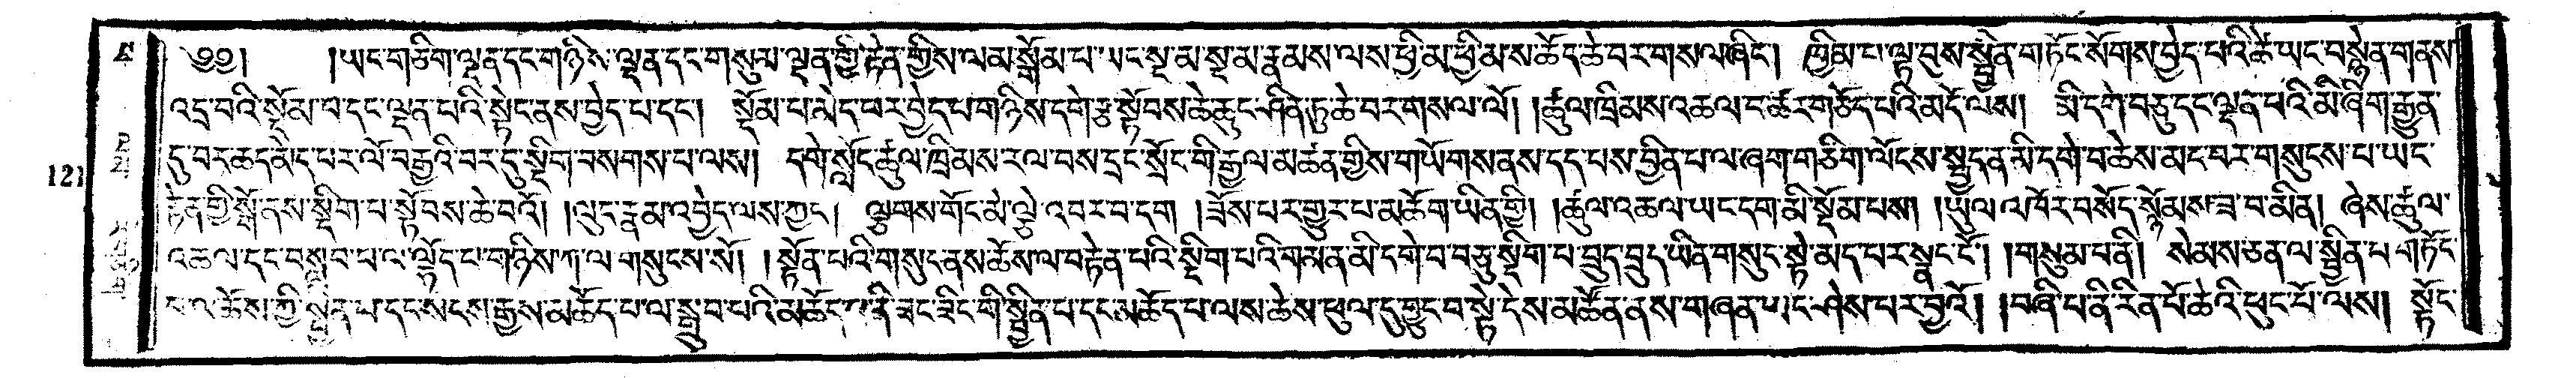༄༅། །ཡང་གཅིག་ལྡན་དང་གཉིས་ལྡན་དང་གསུམ་ལྡན་གྱི་རྟེན་གྱིས་ལམ་སྒོམ་པ་ཡང་སྔ་མ་སྔ་མ་རྣམས་ལས་ཕྱི་མ་ཕྱི་མ་ས་ཆོད་ཆེ་བར་གསལ་ཞིང་། ཁྱིམ་པ་ལྟ་བུས་སྦྱིན་གཏོང་སོགས་བྱེད་པའི་ཚེ་ཡང་བསྙེན་གནས་
འདྲ་བའི་སྡོམ་པ་དང་ལྡན་པའི་སྟེང་ནས་བྱེད་པ་དང་། སྡོམ་པ་མེད་པར་བྱེད་པ་གཉིས་དགེ་རྩ་སྟོབས་ཆེ་ཆུང་ཤིན་ཏུ་ཆེ་བར་གསལ་ལོ། །ཚུལ་ཁྲིམས་འཆལ་ང་ཚར་གཅོད་པའི་མདོ་ལས། མི་དགེ་བཅུ་དང་ལྡན་པའི་མི་ཞིག་རྒྱུན་
དུ་བར་ཆད་མེད་པར་ལོ་བརྒྱའི་བར་དུ་སྡིག་བསགས་པ་ལས། དགེ་སློང་ཚུལ་ཁྲིམས་རལ་བས་དྲང་སྲོང་གི་རྒྱལ་མཚན་གྱིས་གཡོགས་ནས་དད་པས་བྱིན་པ་ལ་ཞག་གཅིག་ལོངས་སྤྱད་ན་མི་དགེ་བ་ཆེས་མང་བར་གསུངས་པ་ཡང་
རྟེན་གྱི་སྒོ་ནས་སྡིག་པ་སྟོབས་ཆེ་བའོ། །ལུང་རྣམ་འབྱེད་ལས་ཀྱང་། ལྕགས་གོང་མེ་ལྕེ་འབར་བ་དག །ཟོས་པར་གྱུར་པ་མཆོག་ཡིན་གྱི། །ཚུལ་འཆལ་ཡང་དག་མི་སྡོམ་པས། །ཡུལ་འཁོར་བསོད་སྙོམས་ཟ་བ་མིན། ཞེས་ཚུལ་
འཆལ་དང་བསླབ་པ་ལ་ལྷོད་པ་གཉིས་ཀ་ལ་གསུངས་སོ། །སྟོན་པའི་གསུང་ནས་ཆོས་ལ་བརྟེན་པའི་སྡིག་པའི་གམ་ན་མི་དགེ་བ་བཅུ་སྡིག་པ་བྲུད་བྲུད་ཡིན་གསུང་སྟེ་མད་པར་སྣང་ངོ། །གསུམ་པ་ནི། སེམས་ཅན་ལ་སྦྱིན་པ་གཏོང་
པའི་ཆོས་ཀྱི་སྤྱན་པ་དང་སངས་རྒྱས་མཆོད་པ་ལ་སྒྲུབ་པའི་མཆོད་པ་ནི་ཟང་ཟིང་གི་སྦྱིན་པ་དང་མཆོད་པ་ལས་ཆེས་ཕུལ་དུ་བྱུང་བ་སྟེ་དེས་མཚོན་ནས་གཞན་ཡང་ཤེས་པར་བྱའོ། །བཞི་པ་ནི་རིན་པོ་ཆེའི་ཕུང་པོ་ལས། སྟོང་